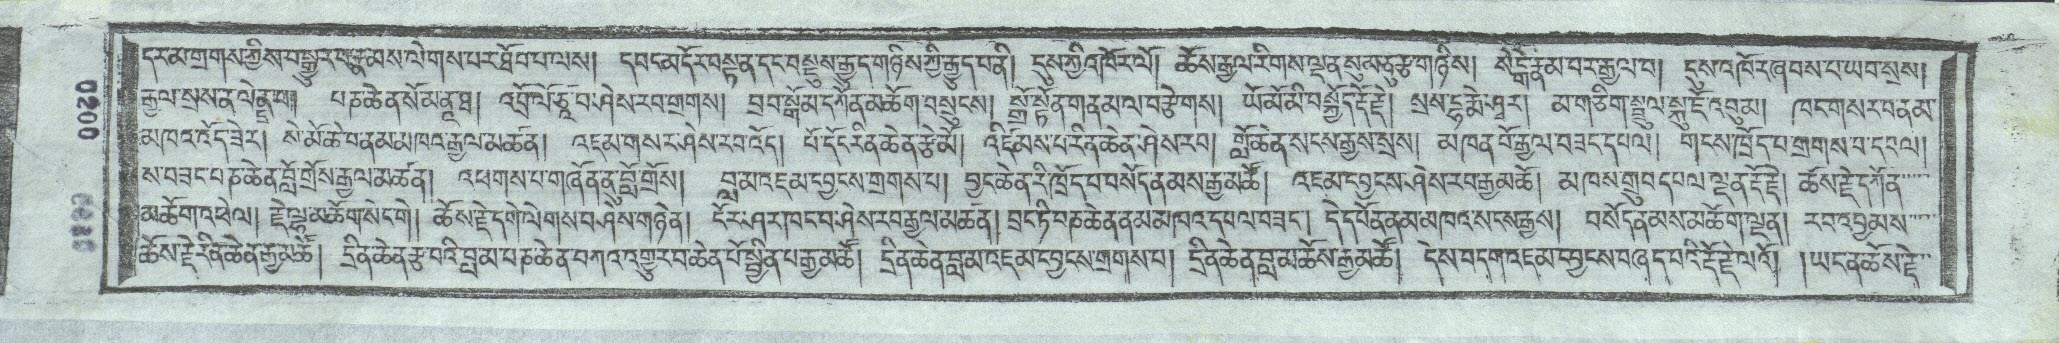དར་མ་གྲགས་ཀྱིས་བསྒྱུར་པ་རྣམས་ལེགས་པར་ཐོབ་པ་ལས། དབང་མདོར་བསྟན་དང་བསྡུས་རྒྱུད་གཉིས་ཀྱི་རྒྱུད་པ་ནི། དུས་ཀྱི་འཁོར་ལོ། ཆོས་རྒྱལ་རིགས་ལྡན་སུམ་ཅུ་རྩ་གཉིས། སེངྒེ་རྣམ་པར་རྒྱལ་བ། དུས་འཁོར་ཞབས་པ་ཡབ་སྲས།
རྒྱལ་སྲས་ན་ལེནྡྲ་པ། པཎ་ཆེན་སོ་མནཱ་ཐ། འབྲོ་ལོ་ཙཱ་པ་ཤེས་རབ་གྲགས། བྲབ་སྒོ་མ་དཀོན་མཆོག་བསྲུངས། སྒྲོ་སྟོན་གནམ་ལ་བརྩེགས། ཡོ་མོ་མི་བསྐྱོད་རྡོ་རྗེ། སྲས་དྷ་རྨེ་ཤྭར། མ་གཅིག་སྦྲུལ་སྐུ་ཇོ་འབུམ། ཁང་གསར་བ་ནམ་
མཁའ་འོད་ཟེར། སེ་མོ་ཆེ་པ་ནམ་མཁའ་རྒྱལ་མཚན། འཇམ་གསར་ཤེས་རབ་འོད། པོ་དོང་རིན་ཆེན་རྩེ་མོ། འཛིམས་པ་རིན་ཆེན་ཤེས་རབ། གློ་ཆེན་སངས་རྒྱས་སྲས། མཁན་པོ་རྒྱལ་བཟང་དཔལ། གངས་ཁྲོད་པ་གྲགས་པ་དཔལ།
ས་བཟང་པཎ་ཆེན་བློ་གྲོས་རྒྱལ་མཚན། འཕགས་པ་གཞོན་ནུ་བློ་གྲོས། བླ་མ་འཇམ་དབྱངས་གྲགས་པ། བྱང་ཆེན་རི་ཁྲོད་པ་བསོད་ནམས་རྒྱ་མཚོ། འཇམ་དབྱངས་ཤེས་རབ་རྒྱ་མཚོ། མཁས་གྲུབ་དཔལ་ལྡན་རྡོ་རྗེ། ཆོས་རྗེ་དགོན་
མཆོག་འཕེལ། རྗེ་ལྷ་མཆོག་སེང་གེ། ཆོས་རྗེ་དགེ་ལེགས་བཤེས་གཉེན། དོར་ཤར་ཁང་བ་ཤེས་རབ་རྒྱལ་མཚན། བྲང་ཏི་པཎ་ཆེན་ནམ་མཁའ་དཔལ་བཟང་། དེ་དཔོན་ནམ་མཁའ་སངས་རྒྱས། བསོད་ནམས་མཆོག་ལྡན། རབ་འབྱམས་
ཆོས་རྗེ་རིན་ཆེན་རྒྱ་མཚོ། དྲིན་ཆེན་རྩ་བའི་བླ་མ་པཎ་ཆེན་བཀའ་འགྱུར་བ་ཆེན་པོ་སྦྱིན་པ་རྒྱ་མཚོ། དྲིན་ཆེན་བླ་མ་འཇམ་དབྱངས་གྲགས་པ། དྲིན་ཆེན་བླ་མ་ཆོས་རྒྱ་མཚོ། དེས་བདག་འཇམ་དབྱངས་བཞད་པའི་རྡོ་རྗེ་ལའོ། །ཡང་ན་ཆོས་རྗེ་